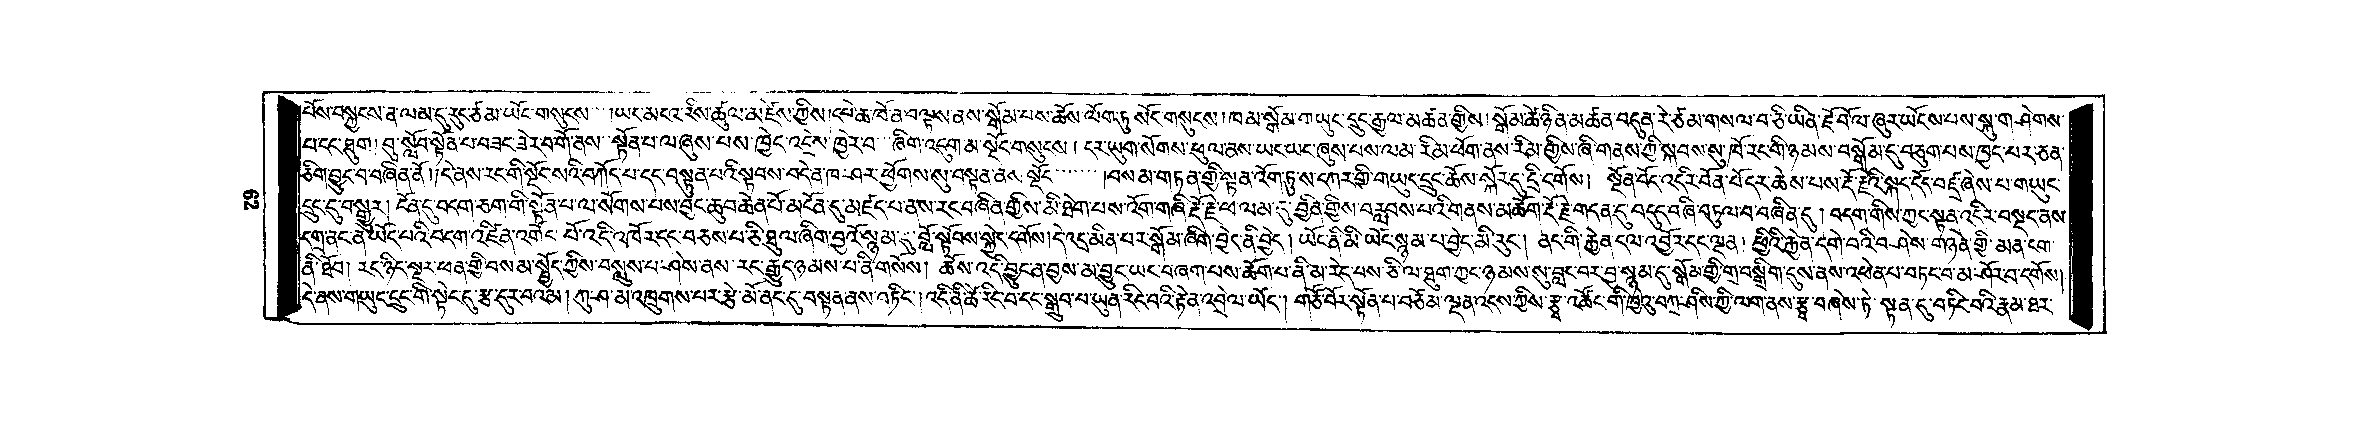པོས་བསྐྱངས་ན་ལམ་དུ་རུང་ཙམ་ཡོང་གསུངས། ཡང་མངའ་རིས་ཚུལ་མཛེས་ཀྱིས། དཔེ་ཆ་ཁོ་ན་བལྟས་ནས་སྒོམ་པས་ཆོས་ལོག་ཏུ་སོང་གསུངས། ཁམ་སྒོམ་གཡུང་དྲུང་རྒྱལ་མཚན་གྱིས། སྒོམ་ཚེ་ཉིན་མཚན་བདུན་རེ་ཙམ་གསལ་བ་ཅི་ཡིན་ཇོ་བོ་ལ་ཞུར་ཡོངས་པས་སྐུ་གཤེགས་
པ་དང་ཐུག །བུ་སློབ་སྟོན་པ་བཟང་ཟེར་བ་གོ་ནས་སྟོན་པ་ལ་ཞུས་པས་ཁྱེད་འདྲེས་ཁྱེར་བ་ཞིག་འདུག་མ་སྡོད་གསུངས། དར་ཡུག་སོགས་ཕུལ་ནས་ཡང་ཡང་ཞུས་པས་ལམ་རིམ་ཕོག་ནས་རིམ་གྱིས་ཞི་གནས་ཀྱི་སྐབས་སུ་ཁོ་རང་གི་ཉམས་བསྒོམ་དུ་བཅུག་པས་ཁྱད་པར་ཅན་
ཅིག་བྱུང་བ་བཞིན་ནོ། །དེ་ནས་རང་གི་སྡོང་སའི་བཀོད་པ་དང་བསྟུན་པའི་སྟབས་བདེ་ན་ཁ་ཤར་ཕྱོགས་སུ་བསྟན་ནས་སྡོད། བསམ་གཏན་གྱི་སྟན་འོག་ཏུ་ས་དཀར་གྱི་གཡུང་དྲུང་ཆོས་སྐོར་དུ་དྲི་དགོས། སྔོན་བོད་འདིར་བོན་པོ་དར་ཆེས་པས་རྡོ་རྗེའི་སྐད་དོད་བྫྲ་ཞེས་པ་གཡུང་
དྲུང་དུ་བསྒྱུར། དོན་དུ་བདག་ཅག་གི་སྟོན་པ་ལ་སོགས་པས་བྱང་ཆུབ་ཆེན་པོ་མངོན་དུ་མཛད་པ་ནས་རང་བཞིན་གྱིས་མི་ཐེག་པས་འོག་གཞི་རྡོ་རྗེ་ཕ་ལམ་དུ་བྱིན་གྱིས་བརླབས་པའི་གནས་མཆོག་རྡོ་རྗེ་གདན་དུ་བདུད་བཞི་བཏུལ་བ་བཞིན་དུ། བདག་གིས་ཀྱང་སྟན་འདིར་བསྡད་ནས་
དགྲ་ནང་ན་ཡོད་པའི་བདག་འཛིན་འགོང་པོ་འདི་འཁོར་དང་བཅས་པ་ཅི་ཐུལ་ཞིག་བྱའོ་སྙམ་དུ་བློ་སྟོབས་སྐྱེད་དགོས། དེ་འདྲ་མིན་པར་སྒོམ་ཞིག་བྱེད་ནི་བྱེད། ཡོང་ནི་མི་ཡོང་སྙམ་པ་བྱེད་མི་རུང་། ནང་གི་རྐྱེན་དལ་འབྱོར་དང་ལྡན། ཕྱིའི་རྐྱེན་དགེ་བའི་བཤེས་གཉེན་གྱི་མན་ངག་
ནི་ཐོབ། རང་ཉིད་སྔར་ཕན་གྱི་བསམ་སྦྱོད་ཀྱིས་བསླུས་པ་ཤེས་ནས་རང་རྒྱུད་ཉམས་པ་ནི་གསོས། ཆོས་འདི་བྱུང་ན་བྱས་མ་བྱུང་ཡང་བ་ཞག་པས་ཆོག་པ་ནི་མ་རེད་པས་ཅི་ལ་ཐུག་ཀྱང་ཉམས་སུ་བླང་བར་བྱ་སྙམ་དུ་སྒོམ་གྱི་གྲ་བསྒྲིག་དུས་ནས་འཕེན་པ་བཏང་བ་མ་ཤོར་བ་དགོས།
དེ་ནས་གཡུང་དྲུང་གི་སྟེང་དུ་རྩ་དུར་བའམ། ཀུ་ཤ་མ་འཁྲུགས་པར་རྩེ་མོ་ནང་དུ་བསྟན་ནས་བཏིང་། འདི་ནི་ཚེ་རིང་བ་དང་སྒྲུབ་པ་ཡུན་རིང་བའི་རྟེན་འབྲེལ་ཡོང་། གཙོ་བོར་སྟོན་པ་བཅོམ་ལྡན་འདས་ཀྱིས་རྩྭ་འཚོང་གི་ཁྱེའུ་བཀྲ་ཤིས་ཀྱི་ལག་ནས་རྩྭ་བཞེས་ཏེ་སྟན་དུ་བཏིང་བའི་རྣམ་ཐར་